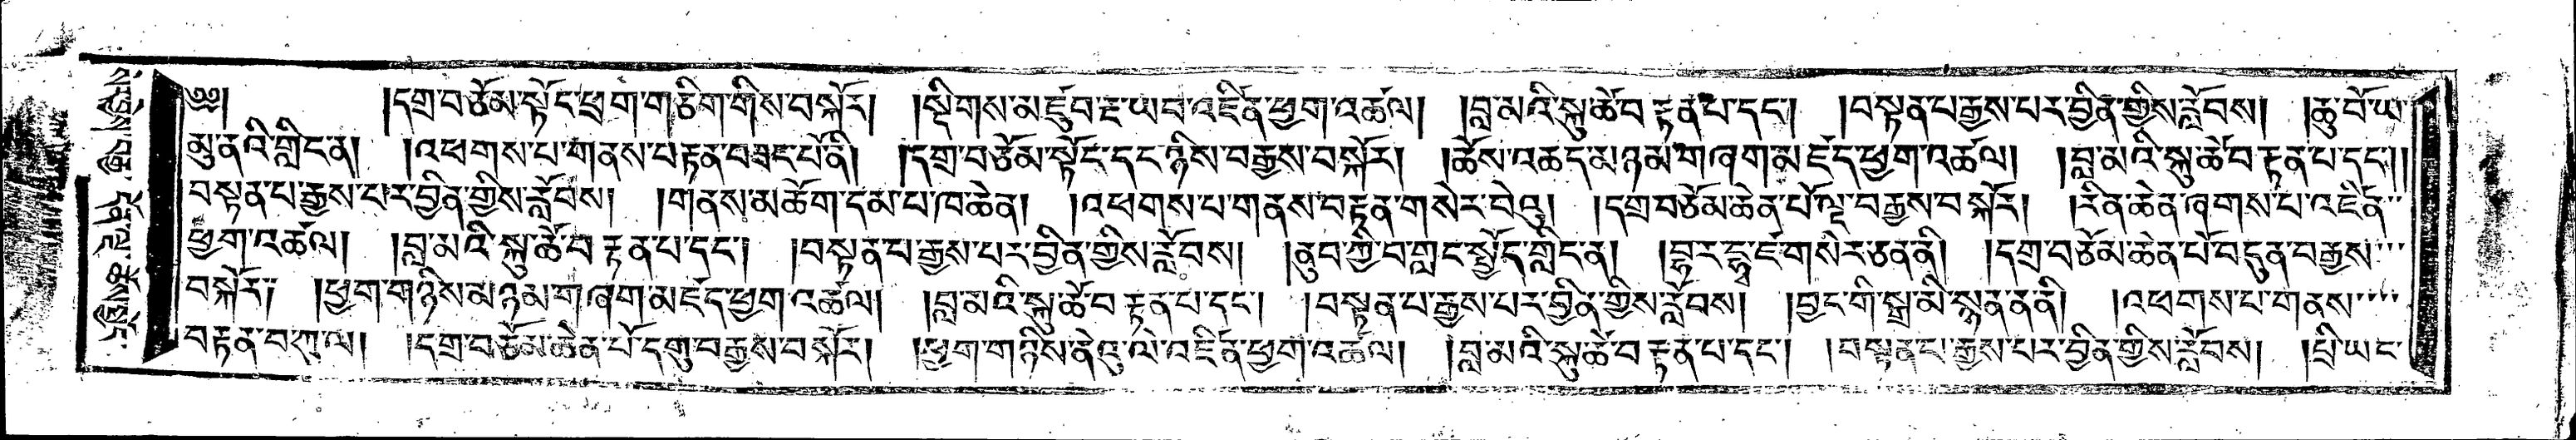༄༅། །དགྲ་བཅོམ་སྟོང་ཕྲག་གཅིག་གིས་བསྐོར། །སྡིགས་མཛུབ་རྔ་ཡབ་འཛིན་ཕྱག་འཚལ། །བླ་མའི་སྐུ་ཚེ་བརྟན་པ་དང་། །བསྟན་པ་རྒྱས་པར་བྱིན་གྱིས་རློབས། །ཆུ་བོ་ཡ་
མུ་ནའི་གླིང་ན། །འཕགས་པ་གནས་བརྟན་བཟང་པོ་ནི། །དགྲ་བཅོམ་སྟོང་དང་ཉིས་བརྒྱས་བསྐོར། །ཆོས་འཆད་མཉམ་གཞག་མཛད་ཕྱག་འཚལ། །བླ་མའི་སྐུ་ཚེ་བརྟན་པ་དང་། །
བསྟན་པ་རྒྱས་པར་བྱིན་གྱིས་རློབས། །གནས་མཆོག་དམ་པ་ཁ་ཆེ་ན། །འཕགས་པ་གནས་བརྟན་གསེར་བེའུ། །དགྲ་བཅོམ་ཆེན་པོ་ལྔ་བརྒྱས་བསྐོར། །རིན་ཆེན་ཞགས་པ་འཛིན་
ཕྱག་འཚལ། །བླ་མའི་སྐུ་ཚེ་བརྟན་པ་དང་། །བསྟན་པ་རྒྱས་པར་བྱིན་གྱིས་རློབས། །ནུབ་ཀྱི་བ་གླང་སྤྱོད་གླིང་ན། །བྷ་ར་དྷྭ་ཛ་གསེར་ཅན་ནི། །དགྲ་བཅོམ་ཆེན་པོ་བདུན་བརྒྱས་
བསྐོར༑ །ཕྱག་གཉིས་མཉམ་གཞག་མཛད་ཕྱག་འཚལ། །བླ་མའི་སྐུ་ཚེ་བརྟན་པ་དང་། །བསྟན་པ་རྒྱས་པར་བྱིན་གྱིས་རློབས། །བྱང་གི་སྒྲ་མི་སྙན་ན་ནི། །འཕགས་པ་གནས་
བརྟན་པ་ཀུ་ལ། །དགྲ་བཅོམ་ཆེན་པོ་དགུ་བརྒྱས་བསྐོར། །ཕྱག་གཉིས་ནེའུ་ལེ་འཛིན་ཕྱག་འཚལ། །བླ་མའི་སྐུ་ཚེ་བརྟན་པ་དང་། །བསྟན་པ་རྒྱས་པར་བྱིན་གྱིས་རློབས། །པྲི་ཡང་